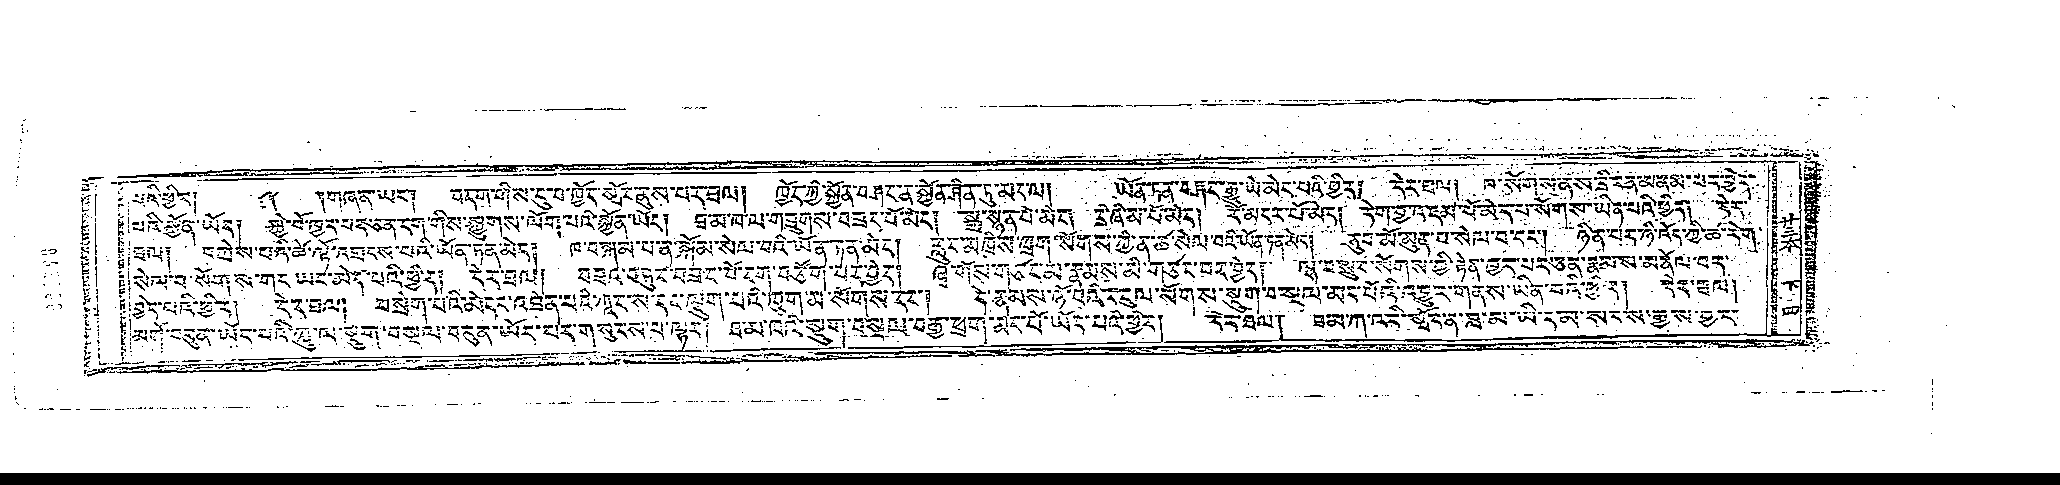པའི་ཕྱིར། ༈ །གཞན་ཡང་། བདག་གིས་དུ་བ་ཁྱོད་སྤོང་ནུས་པར་ཐལ། ཁྱོད་ཀྱི་སྐྱོན་བཤད་ན་སྐྱོན་ཤིན་ཏུ་མང་ལ། ཡོན་ཏན་བཤང་རྒྱུ་ཡེ་མེད་པའི་ཕྱིར། དེར་ཐལ། ཁ་སོགས་ནས་དྲི་ངན་མནམ་པར་བྱེད་
བའི་སྐྱོན་ཡོད། སྐྱེ་བོ་ཁྱད་པར་ཅན་དག་གིས་སྐྱུགས་ལོག་པའི་སྐྱོན་ཡོད། ཐ་མ་ཁ་ལ་གྦྲུགས་བཟང་པོ་མེད། སྒྲ་སྙན་པོ་མེད། དྲི་ཞིམ་པོ་མེད། དྲི་མངར་པོ་མེད། རེག་བྱ་འཇམ་པོ་མེད་པ་སོགས་ཡིན་པའི་ཕྱིར། དེར་
ཐལ། བགྲེས་པའི་ཚེ་ལྟོ་འགྲངས་པའི་ཡོན་ཏན་མེད། ཁ་བསྐོམ་པ་ན་སྐོམ་སེལ་བའི་ཡོན་ཏན་མེད། རླུང་མཁྲིས་ཁྲག་སོགས་ཀྱི་ན་ཚ་སེལ་བའི་ཡོན་ཏན་མེད། ནུབ་མོ་མུན་པ་སེལ་བ་དང་། ཉིན་བར་ཉི་འོད་ཀྱི་ཚ་རེག་
སེལ་བ་སོགས་གང་ཡང་མེད་པའི་ཕྱིར། དེར་ཐལ། བཟའ་བཏུང་བཟང་པོ་དག་བཙོག་པར་བྱེད། ཞྭ་གོས་གཙང་མ་རྣམས་མི་གཙང་བར་བྱེད། ལྷ་བསྲུང་སོགས་ཀྱི་རྟེན་ཁྱད་པར་ཅན་རྣམས་མནོལ་བར་
བྱེད་པའི་ཕྱིར། དེར་ཐལ། བསྲེག་པའི་མེ་དང་འཐེན་པའི་ཀཱད་ས་དང་ལྡུག་པའི་ཁུག་མ་སོགས་དང་། དེ་རྣམས་ཉོ་བའི་དངུལ་སོགས་སྡུག་བསྔལ་མང་པོའི་འབྱུང་གནས་ཡིན་པའི་ཕྱིར། དེར་ཐལ།
མགོ་བདུན་ཡོད་པའི་ཀླུ་ལ་སྡུག་བསྔལ་བདུན་ཡོད་པར་གསུངས་པ་ལྟར། ཐ་མ་ཁའི་སྡུག་བསྔལ་བརྒྱ་ཕྲག་མང་པོ་ཡོད་པའི་ཕྱིར། དེར་ཐལ། ཐ་མ་ཀ་འདི་སྤོང་ན་བླ་མ་ཡི་དམ་སངས་རྒྱས་བྱང་